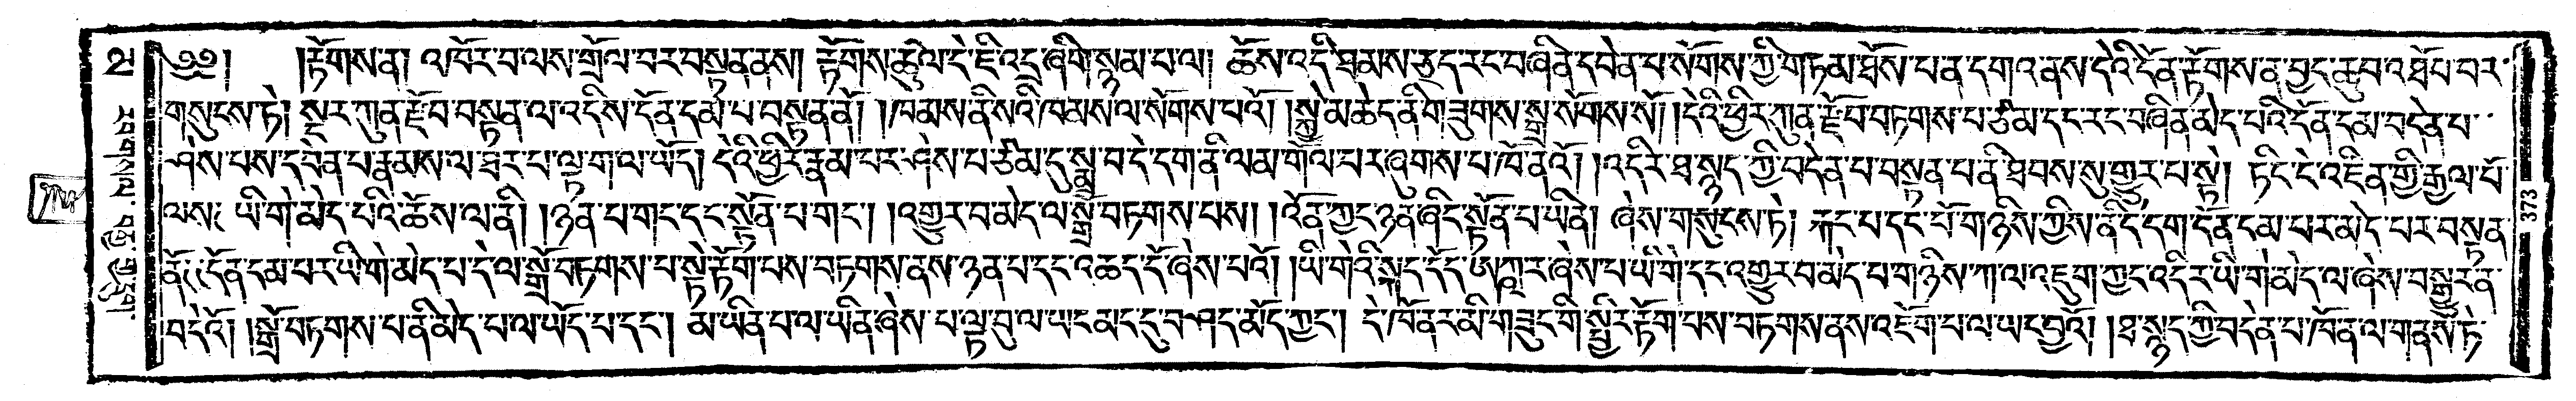༄༅། །རྟོགས་ན། འཁོར་བ་ལས་གྲོལ་བར་བསྟན་ནས། རྟོགས་ཚུལ་དེ་ཇི་འདྲ་ཞིག་སྙམ་པ་ལ། ཆོས་འདི་ཐམས་ཅད་རང་བཞིན་དབེན་པ་སོགས་ཀྱི་གཏམ་ཐོས་པ་ན་དགའ་ནས་དེའི་དོན་རྟོགས་ན་བྱང་ཆུབ་འཐོབ་པར་
གསུངས་ཏེ། སྔར་ཀུན་རྫོབ་བསྟན་ལ་འདིས་དོན་དམ་པ་བསྟན་ནོ། །ཁམས་ནི་སའི་ཁམས་ལ་སོགས་པའོ། །སྐྱེ་མཆེད་ནི་གཟུགས་སྒྲ་སོགས་སོ། །དེའི་ཕྱིར་ཀུན་རྫོབ་བཏགས་པ་ཙམ་དང་རང་བཞིན་མེད་པའི་དོན་དམ་བདེན་པ་
ཤེས་པས་དབེན་པ་རྣམས་ལ་ཐར་པ་ལྟ་ག་ལ་ཡོད། དེའི་ཕྱིར་རྣམ་པར་ཤེས་པ་ཙམ་དུ་སྨྲ་བ་དེ་དག་ནི་ལམ་གོལ་པར་ཞུགས་པ་ཁོ་ནའོ། །འདིར་ཐ་སྙད་ཀྱི་བདེན་པ་བསྟན་པ་ནི་ཐབས་སུ་གྱུར་པ་སྟེ། ཏིང་ངེ་འཛིན་གྱི་རྒྱལ་པོ་
ལས༑ ཡི་གེ་མེད་པའི་ཆོས་ལ་ནི། །ཉན་པ་གང་དང་སྟོན་པ་གང་། །འགྱུར་པ་མེད་ལ་སྒྲོ་བཏགས་པས། །འོན་ཀྱང་ཉན་ཞིང་སྟོན་པ་ཡིན། ཞེས་གསུངས་ཏེ། རྐང་པ་དང་པོ་གཉིས་ཀྱིས་ནི་དེ་དག་དོན་དམ་པར་མེད་པར་བསྟན་
ནོ༑ ༑དོན་དམ་པར་ཡི་གེ་མེད་པ་དེ་ལ་ལ་སྒྲོ་བཏགས་པ་སྟེ་རྟོག་པས་བཏགས་ནས་ཉན་པ་དང་འཆད་དོ་ཞེས་པའོ། །ཡི་གེའི་སྐད་དོད་ཨཀྵ་ར་ཞེས་པ་ཡི་གེ་དང་འགྱུར་པ་མེད་པ་གཉིས་ཀ་ལ་འཇུག་ཀྱང་འདིར་ཡི་གེ་མེད་ལ་ཞེས་བསྒྱུར་ན་
བདེའོ། །སྒྲོ་བཏགས་པ་ནི་མེད་པ་ལ་ཡོད་པ་དང་། མ་ཡིན་པ་ལ་ཡིན་ཞེས་པ་ལྟ་བུ་ལ་ཡང་མང་དུ་བཤད་མོད་ཀྱང་། དེ་ཁོ་ནར་མི་གཟུང་གི་སྤྱིར་རྟོག་པས་བཏགས་ནས་འཇོག་པ་ལ་ཡང་བྱའོ། །ཐ་སྙད་ཀྱི་བདེན་པ་ཁོ་ན་ལ་གནས་ཏེ་